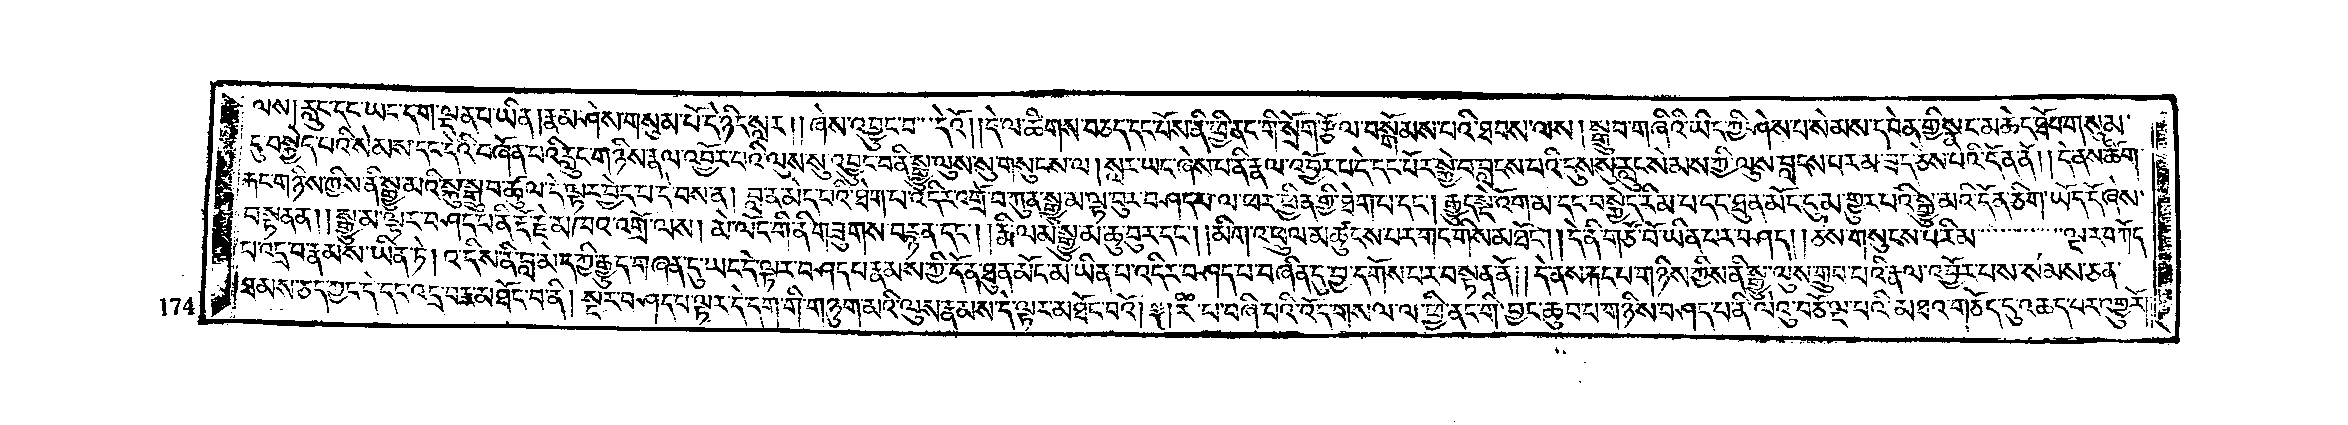ལས། རླུང་དང་ཡང་དག་ལྡན་པ་ཡིན། རྣམ་ཤེས་གསུམ་པོ་དེ་ཉི་སླར། །ཞེས་འབྱུང་བ་དེའོ། །དེ་ལ་ཚིགས་བཅད་དང་པོས་ནི་ཕྱི་ནང་གི་སྲོག་རྩོལ་བསྒོམས་པའི་ཐབས་ལས། སྒྲུབ་གཞིའི་ཡིད་ཀྱི་ཤེས་པ་སེམས་དབེན་གྱི་སྣང་མཆེད་ཐོབ་གསུམ་
དུ་བསྐྱེད་པའི་སེམས་དང་དེའི་བཞོན་པའི་རླུང་གཉིས་རྣལ་འབྱོར་པའི་ལུས་སུ་འབྱུང་བ་ནི་སྒྱུ་ལུས་སུ་གསུངས་ལ། སླར་ཡང་ཞེས་པ་ནི་རྣལ་འབྱོར་པ་དེ་དང་པོར་སྐྱེ་བ་བླངས་པའི་དུས་སུ་རླུང་སེམས་ཀྱི་ལུས་བླངས་པར་མ་ཟད་ཅེས་པའི་དོན་ནོ། །དེ་ནས་ཚིག་
རྐང་གཉིས་ཀྱིས་ནི་སྒྱུ་མའི་སྐུ་སྒྲུབ་ཚུལ་དེ་ལྟར་བྱེད་པ་དེ་བས་ན། བླ་ན་མེད་པའི་ཐེག་པ་འདིར་འགྲོ་བ་ཀུན་སྒྱུ་མ་ལྟ་བུར་བཤད་པ་ལ་ཕར་ཕྱིན་གྱི་ཐེག་པ་དང་། རྒྱུད་སྡེ་འོག་མ་དང་བསྐྱེད་རིམ་པ་དང་ཐུན་མོང་དུ་མ་གྱུར་པའི་སྒྱུ་མའི་དོན་ཅིག་ཡོད་དོ་ཞེས་
བསྟན་ནོ། །སྒྱུ་མ་ལྟར་བཤད་པ་ནི་རྡོ་རྗེ་མཁའ་འགྲོ་ལས། མེ་ལོང་གི་ནི་གཟུགས་བརྙན་དང་། །རྨི་ལམ་སྒྱུ་མ་ཆུ་བུར་དང་། །མིག་འཕྲུལ་མཚུངས་པར་གང་གིས་མཐོང་། །དེ་ནི་གཙོ་བོ་ཡིན་པར་བཤད། །ཅེས་གསུངས་པ་རིམ་ལྔར་བཀོད་
པ་འདྲ་བ་རྣམས་ཡིན་ཏེ། འ་དིས་ནི་བླ་མེད་ཀྱི་རྒྱུད་གཞན་དུ་ཡང་དེ་ལྟར་བཤད་པ་རྣམས་ཀྱི་དོན་ཐུན་མོང་མ་ཡིན་པ་འདིར་བཤད་པ་བཞིན་དུ་བྱ་དགོས་པར་བསྟན་ནོ། །དེ་ནས་རྐང་པ་གཉིས་ཀྱིས་ནི་སྒྱུ་ལུས་གྲུབ་པའི་རྣལ་འབྱོར་པས་སེམས་ཅན་
ཐམས་ཅད་ཀྱང་དེ་དང་འདྲ་བར་མཐོང་བ་ནི། སྔར་བཤད་པ་ལྟར་དེ་དག་གི་གཉུག་མའི་ལུས་རྣམས་དེ་ལྟར་མཐོང་བའོ། ༈ །རིམ་པ་བཞི་པའི་འོད་གསལ་ལ་ཕྱི་ནང་གི་བྱང་ཆུབ་པ་གཉིས་བཤད་པ་ནི་ལེའུ་བཅོ་ལྔ་པའི་མཐའ་གཅོད་དུ་འཆད་པར་འགྱུར་རོ། །